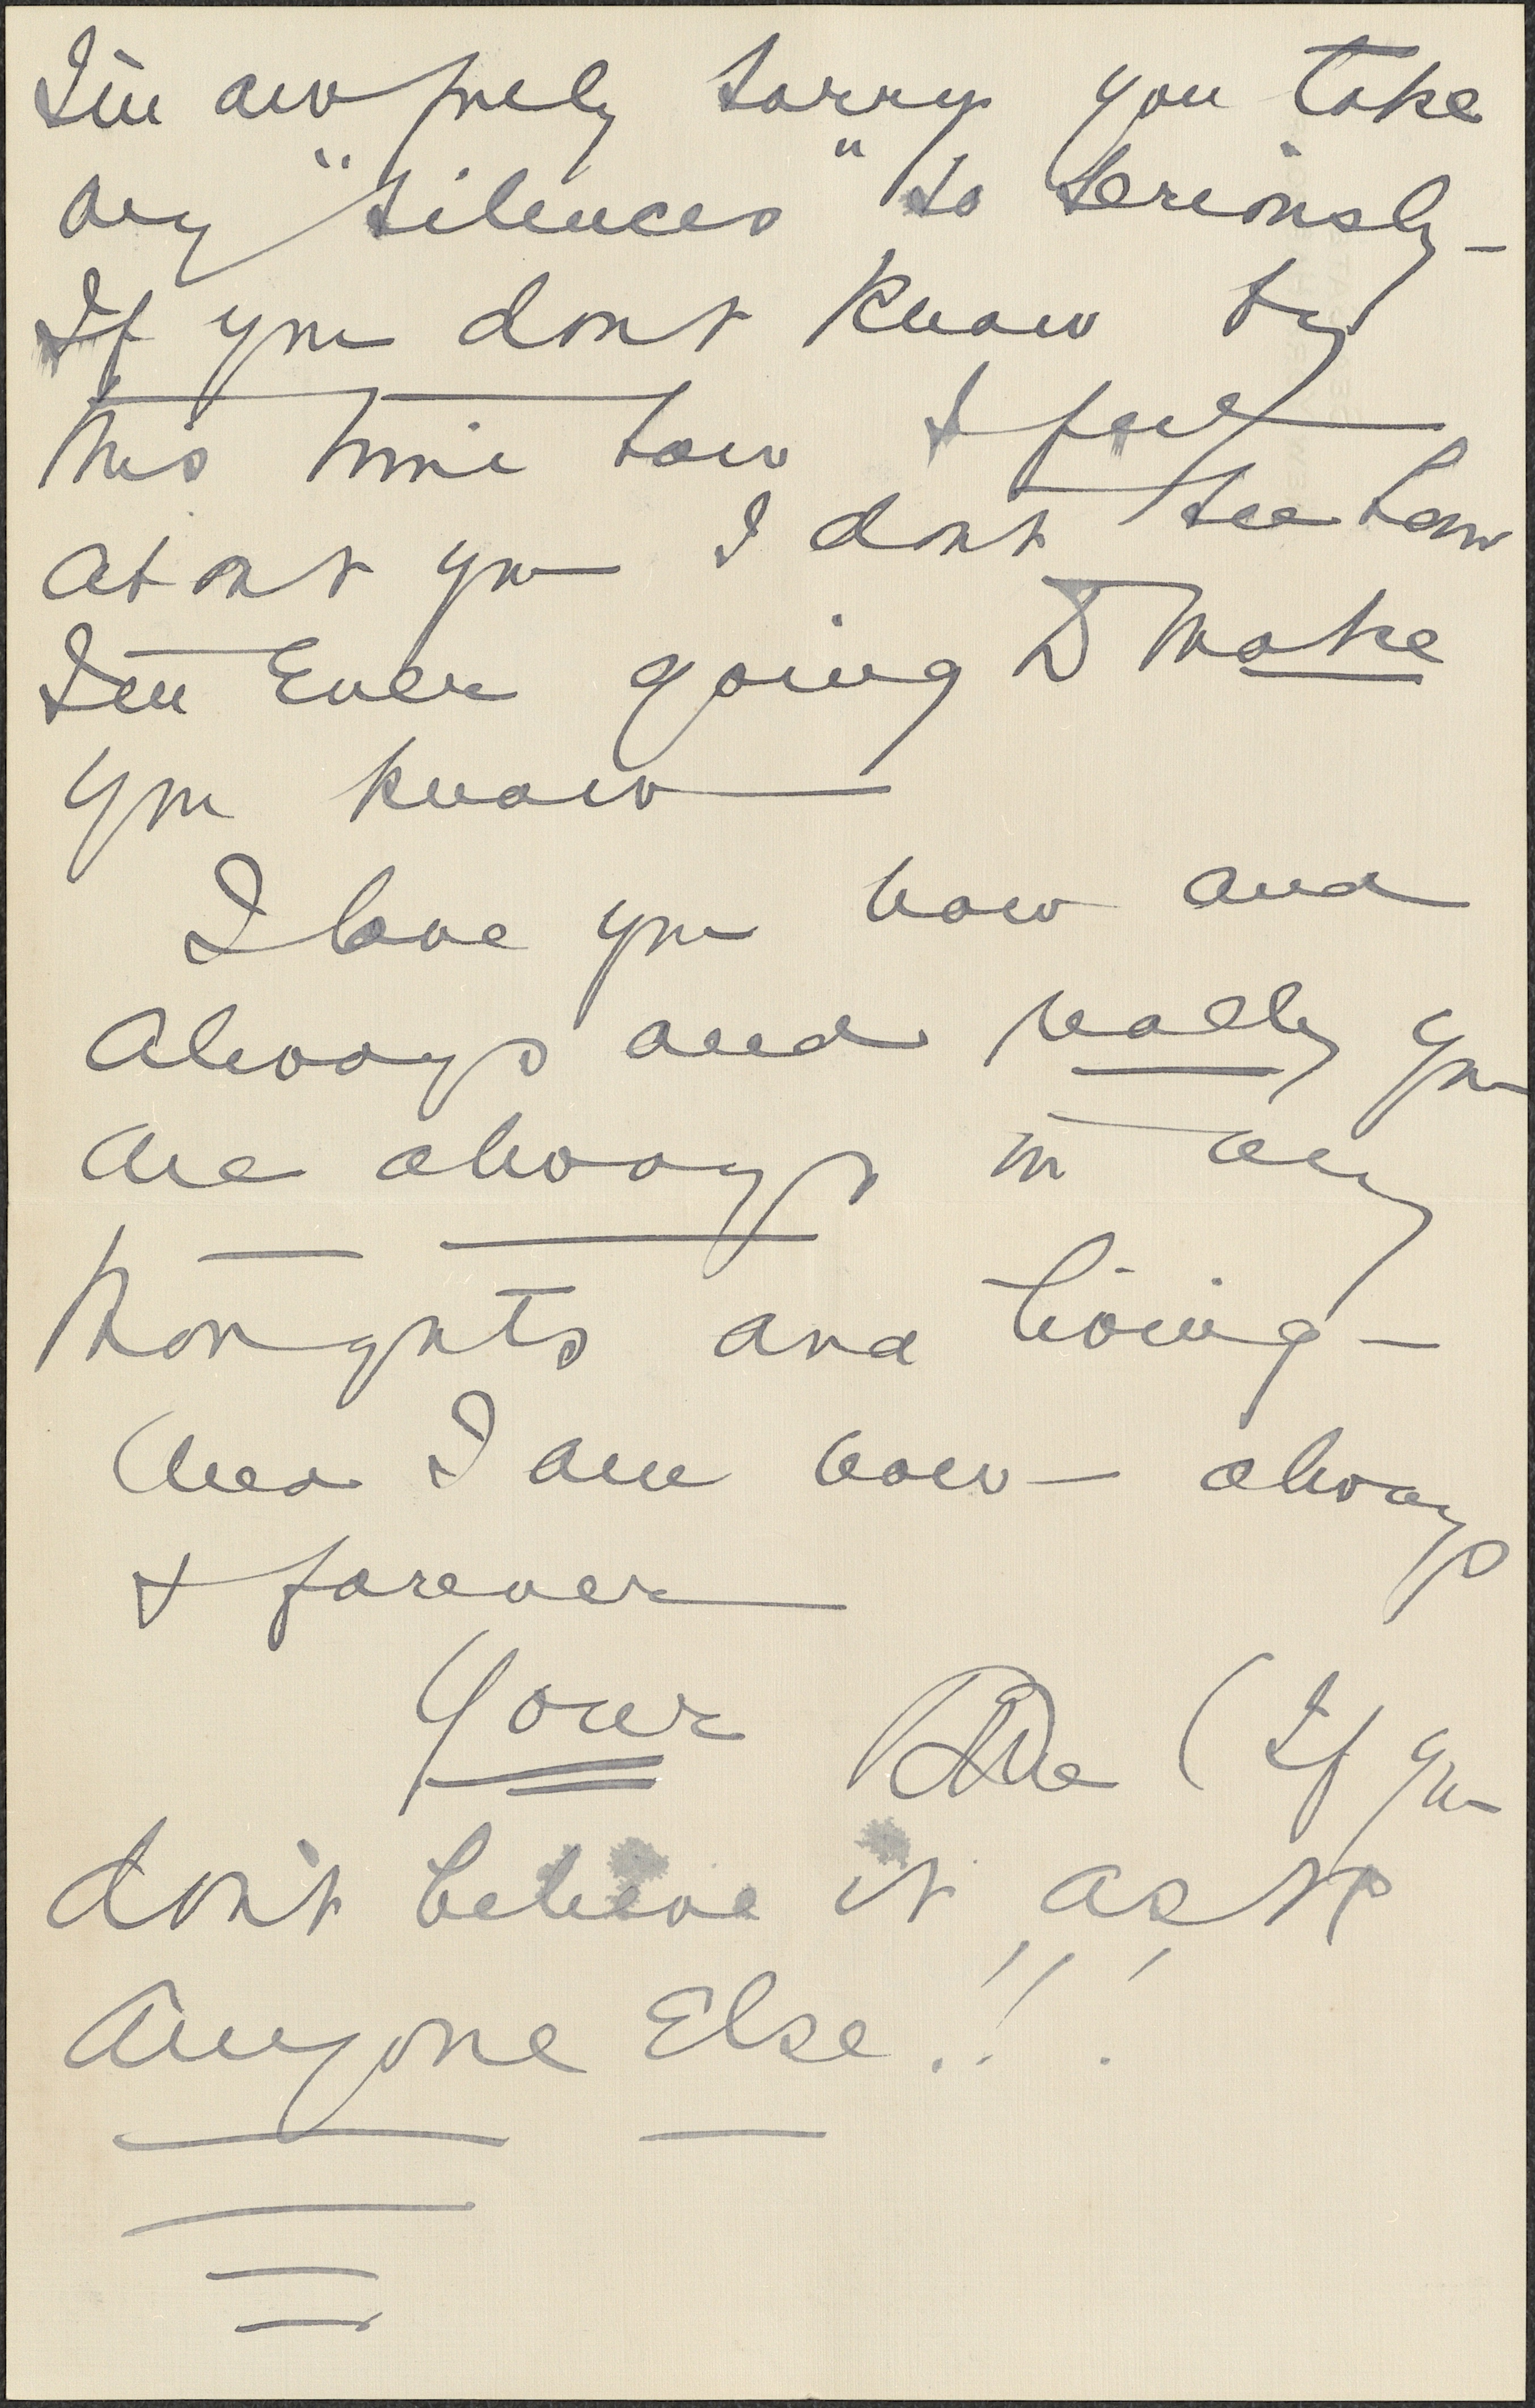I'm awfully sorry you take my "silences" so seriously – If you dont know by this time how I feel about you I dont see how I'm ever going to make you know
I love you now and always and really you are always in my thoughts and living – And I am now – always & forever
[double-underlined: Your] Belle (If you don't believe it ask [quadruple-underlined: anyone] else!!!